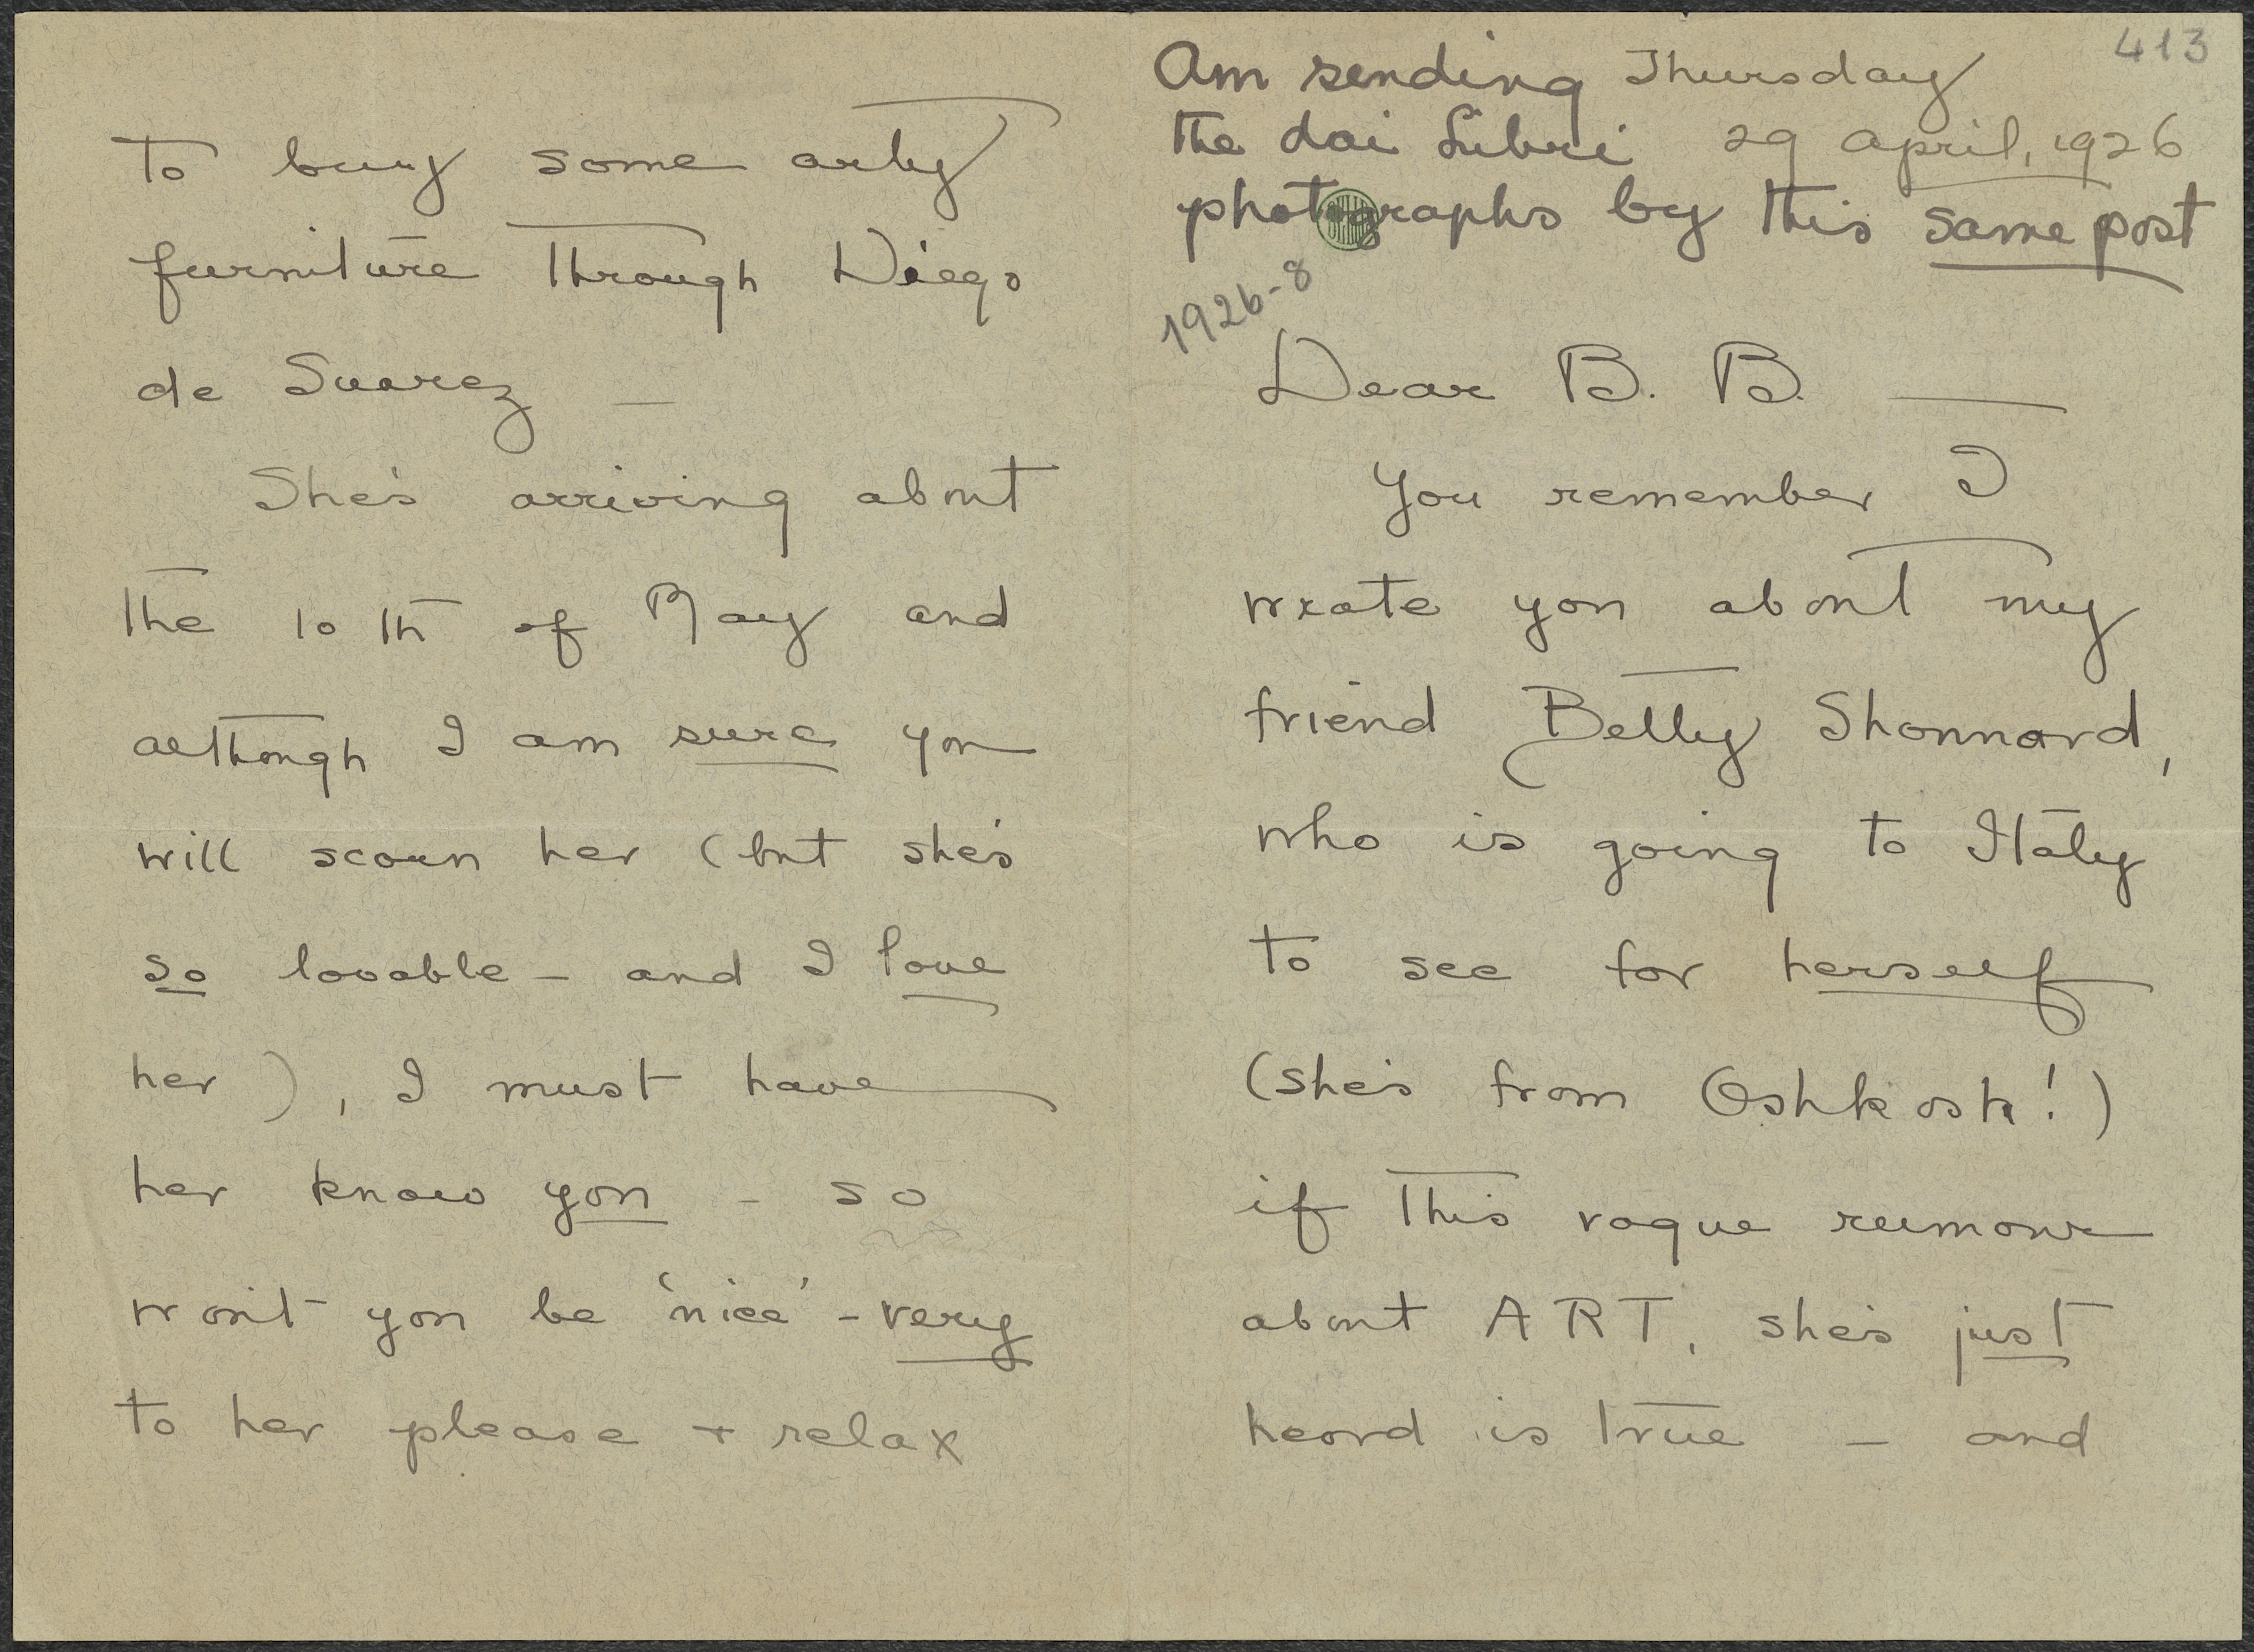Thursday, 29 April 1926
[In upper margin: Am sending the dai Libri photographs by this same post]
Dear B.B. –
You remember I wrote you about my friend Betty Shonnard, who is going to Italy to see for herself (she's from Oshkosh!) if this vague rumour about ART, she’s just heard is true – and
to buy some arty furniture through Diego de Suarez –
She’s arriving about the 10th of May and although I am sure you will scorn her (but she’s so lovable – and I love her), I must have her know you – so won’t you be ‘nice’ – very to her please & relax